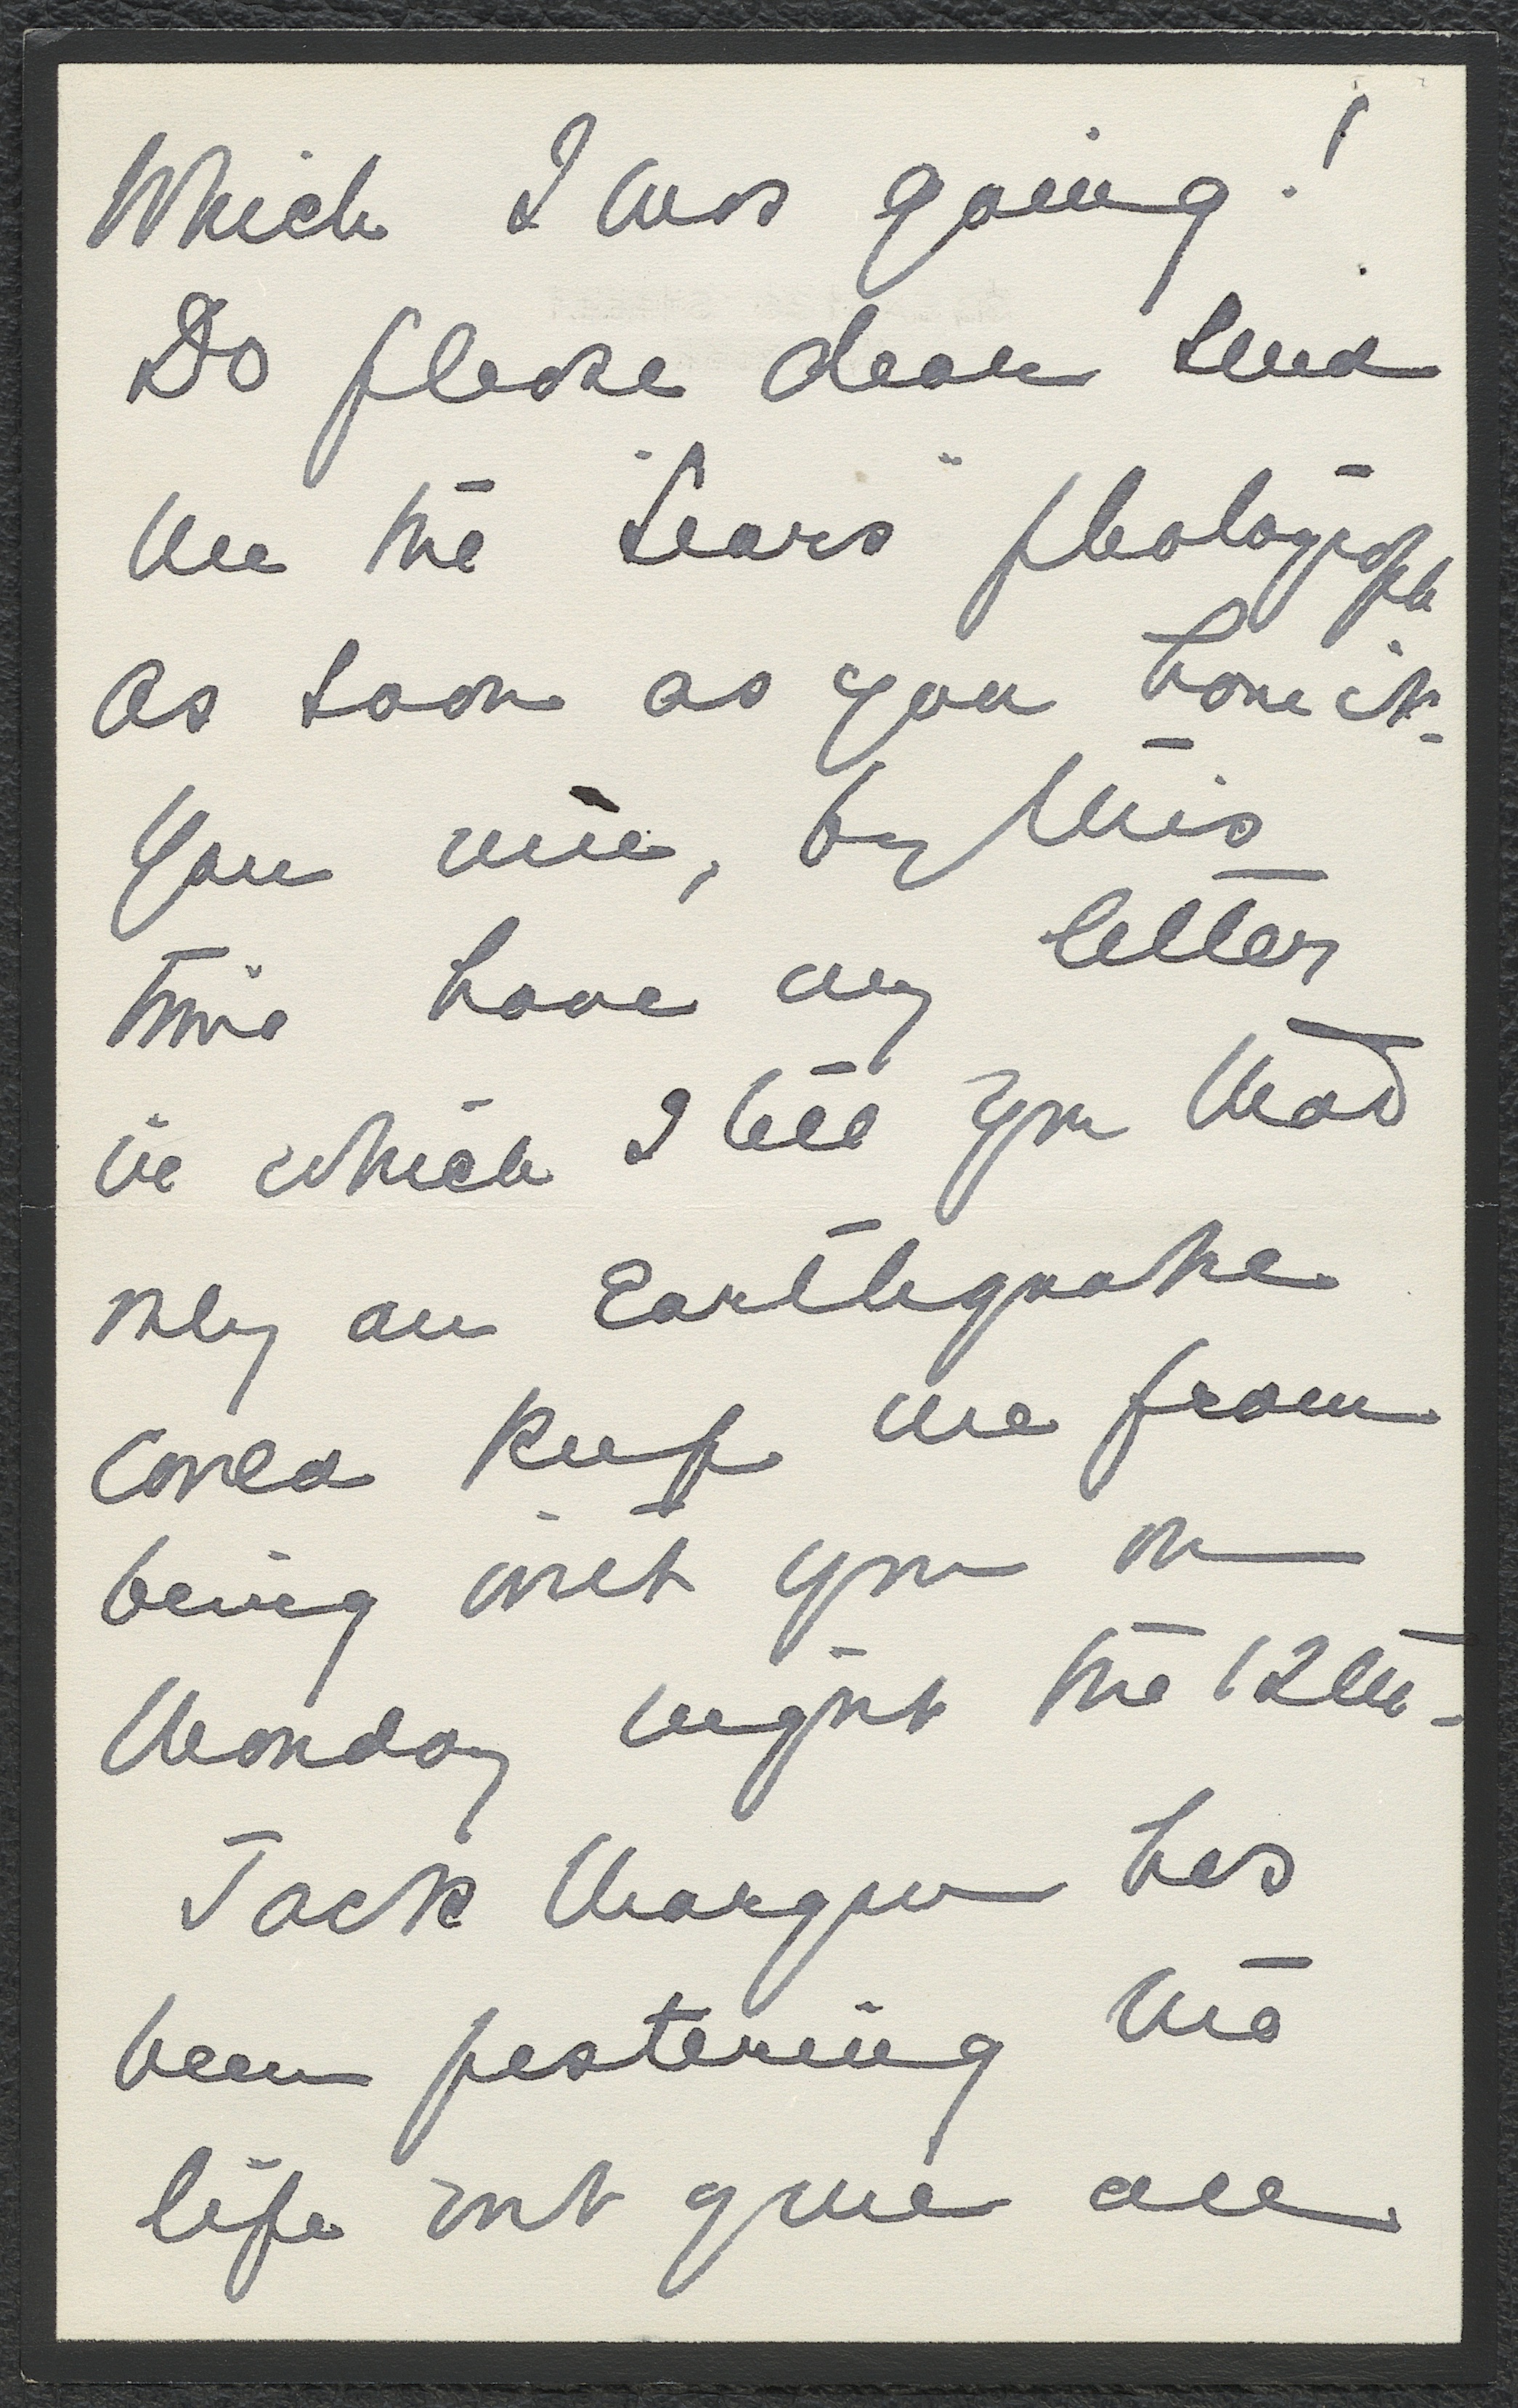which I was going!
So please dear send me the “Sears” photograph as soon as you have it – You will, by this time have my letter in which I tell you that only an Earthquake could keep me from being with you on Monday night the 12th –
Jack Morgan has been pestering the life out of me all